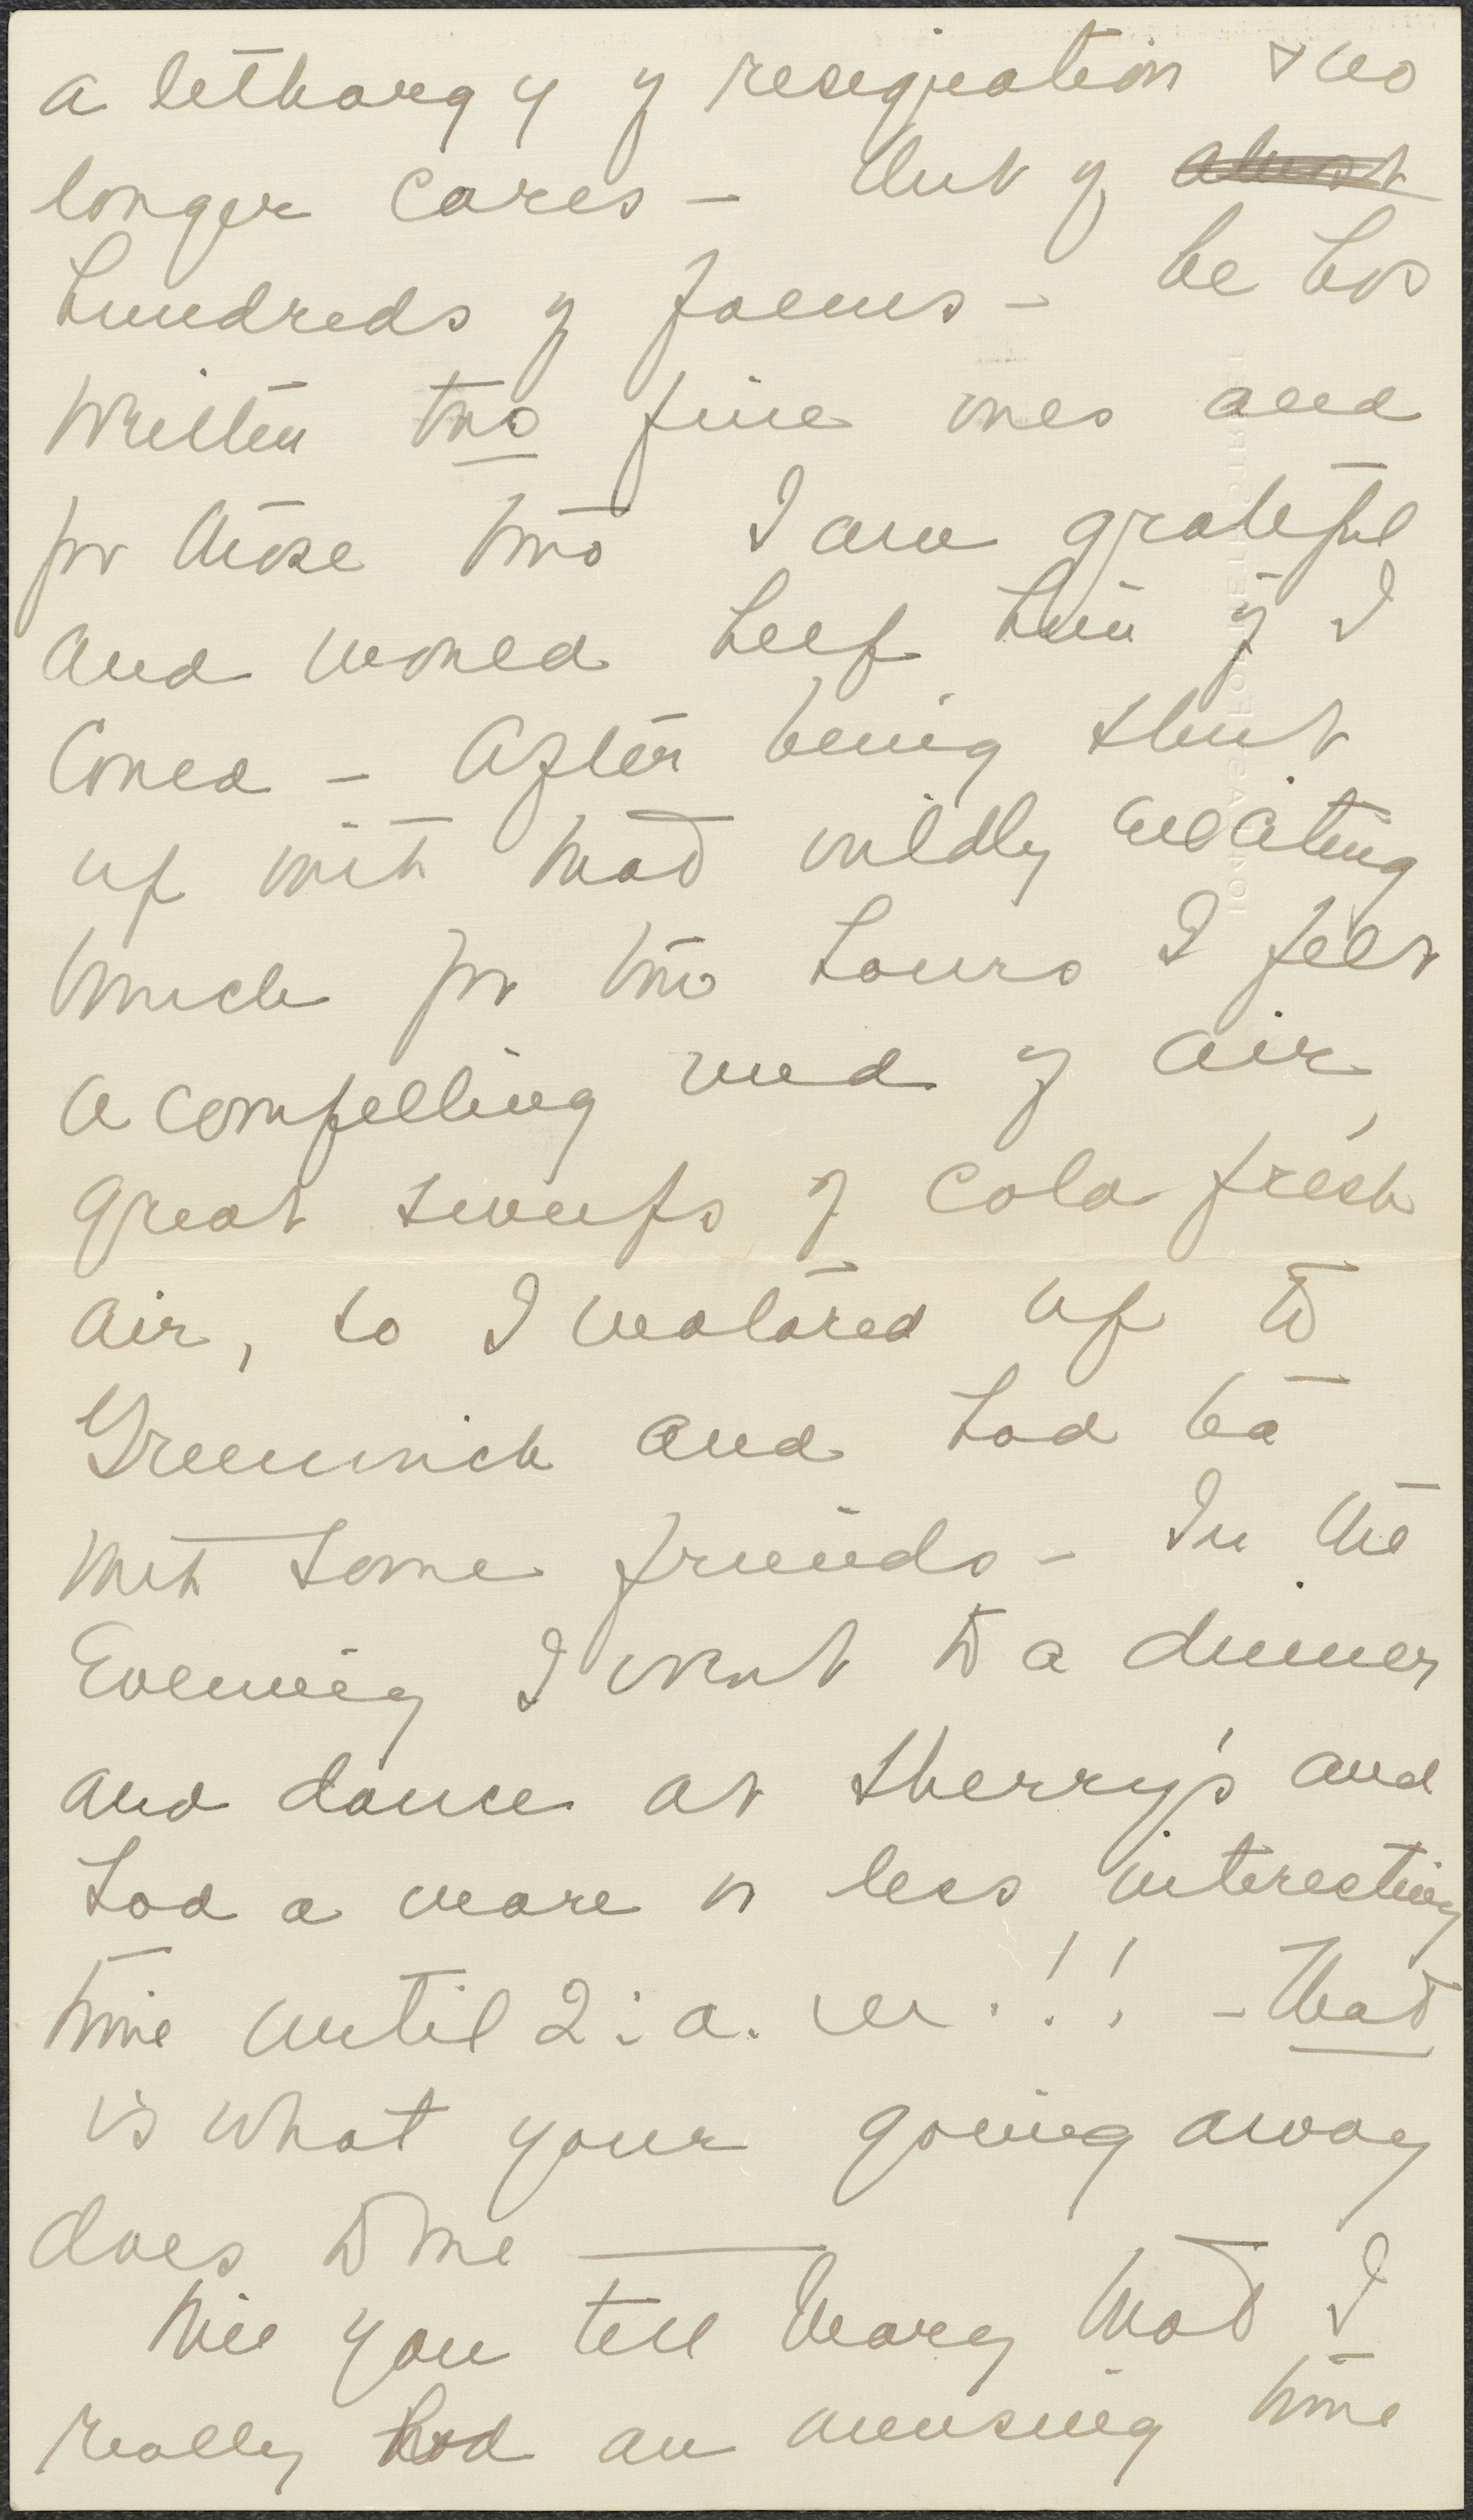a lethargy of resignation & no longer cares – Out of almost hundreds of poems – he has written two fine ones and for those two I am grateful and would help him if I could – After being shut up with that wildly exciting bunch for two hours I felt a compelling need of air, great sweeps of cold fresh air, so I motored up to Greenwich and had tea with some friends – In the evening I went to a dinner and dance at Sherry’s and had a more or less interesting time until 2: a.m.!! – That is what your going away does to me –
Will you tell Mary that I really had an amusing time